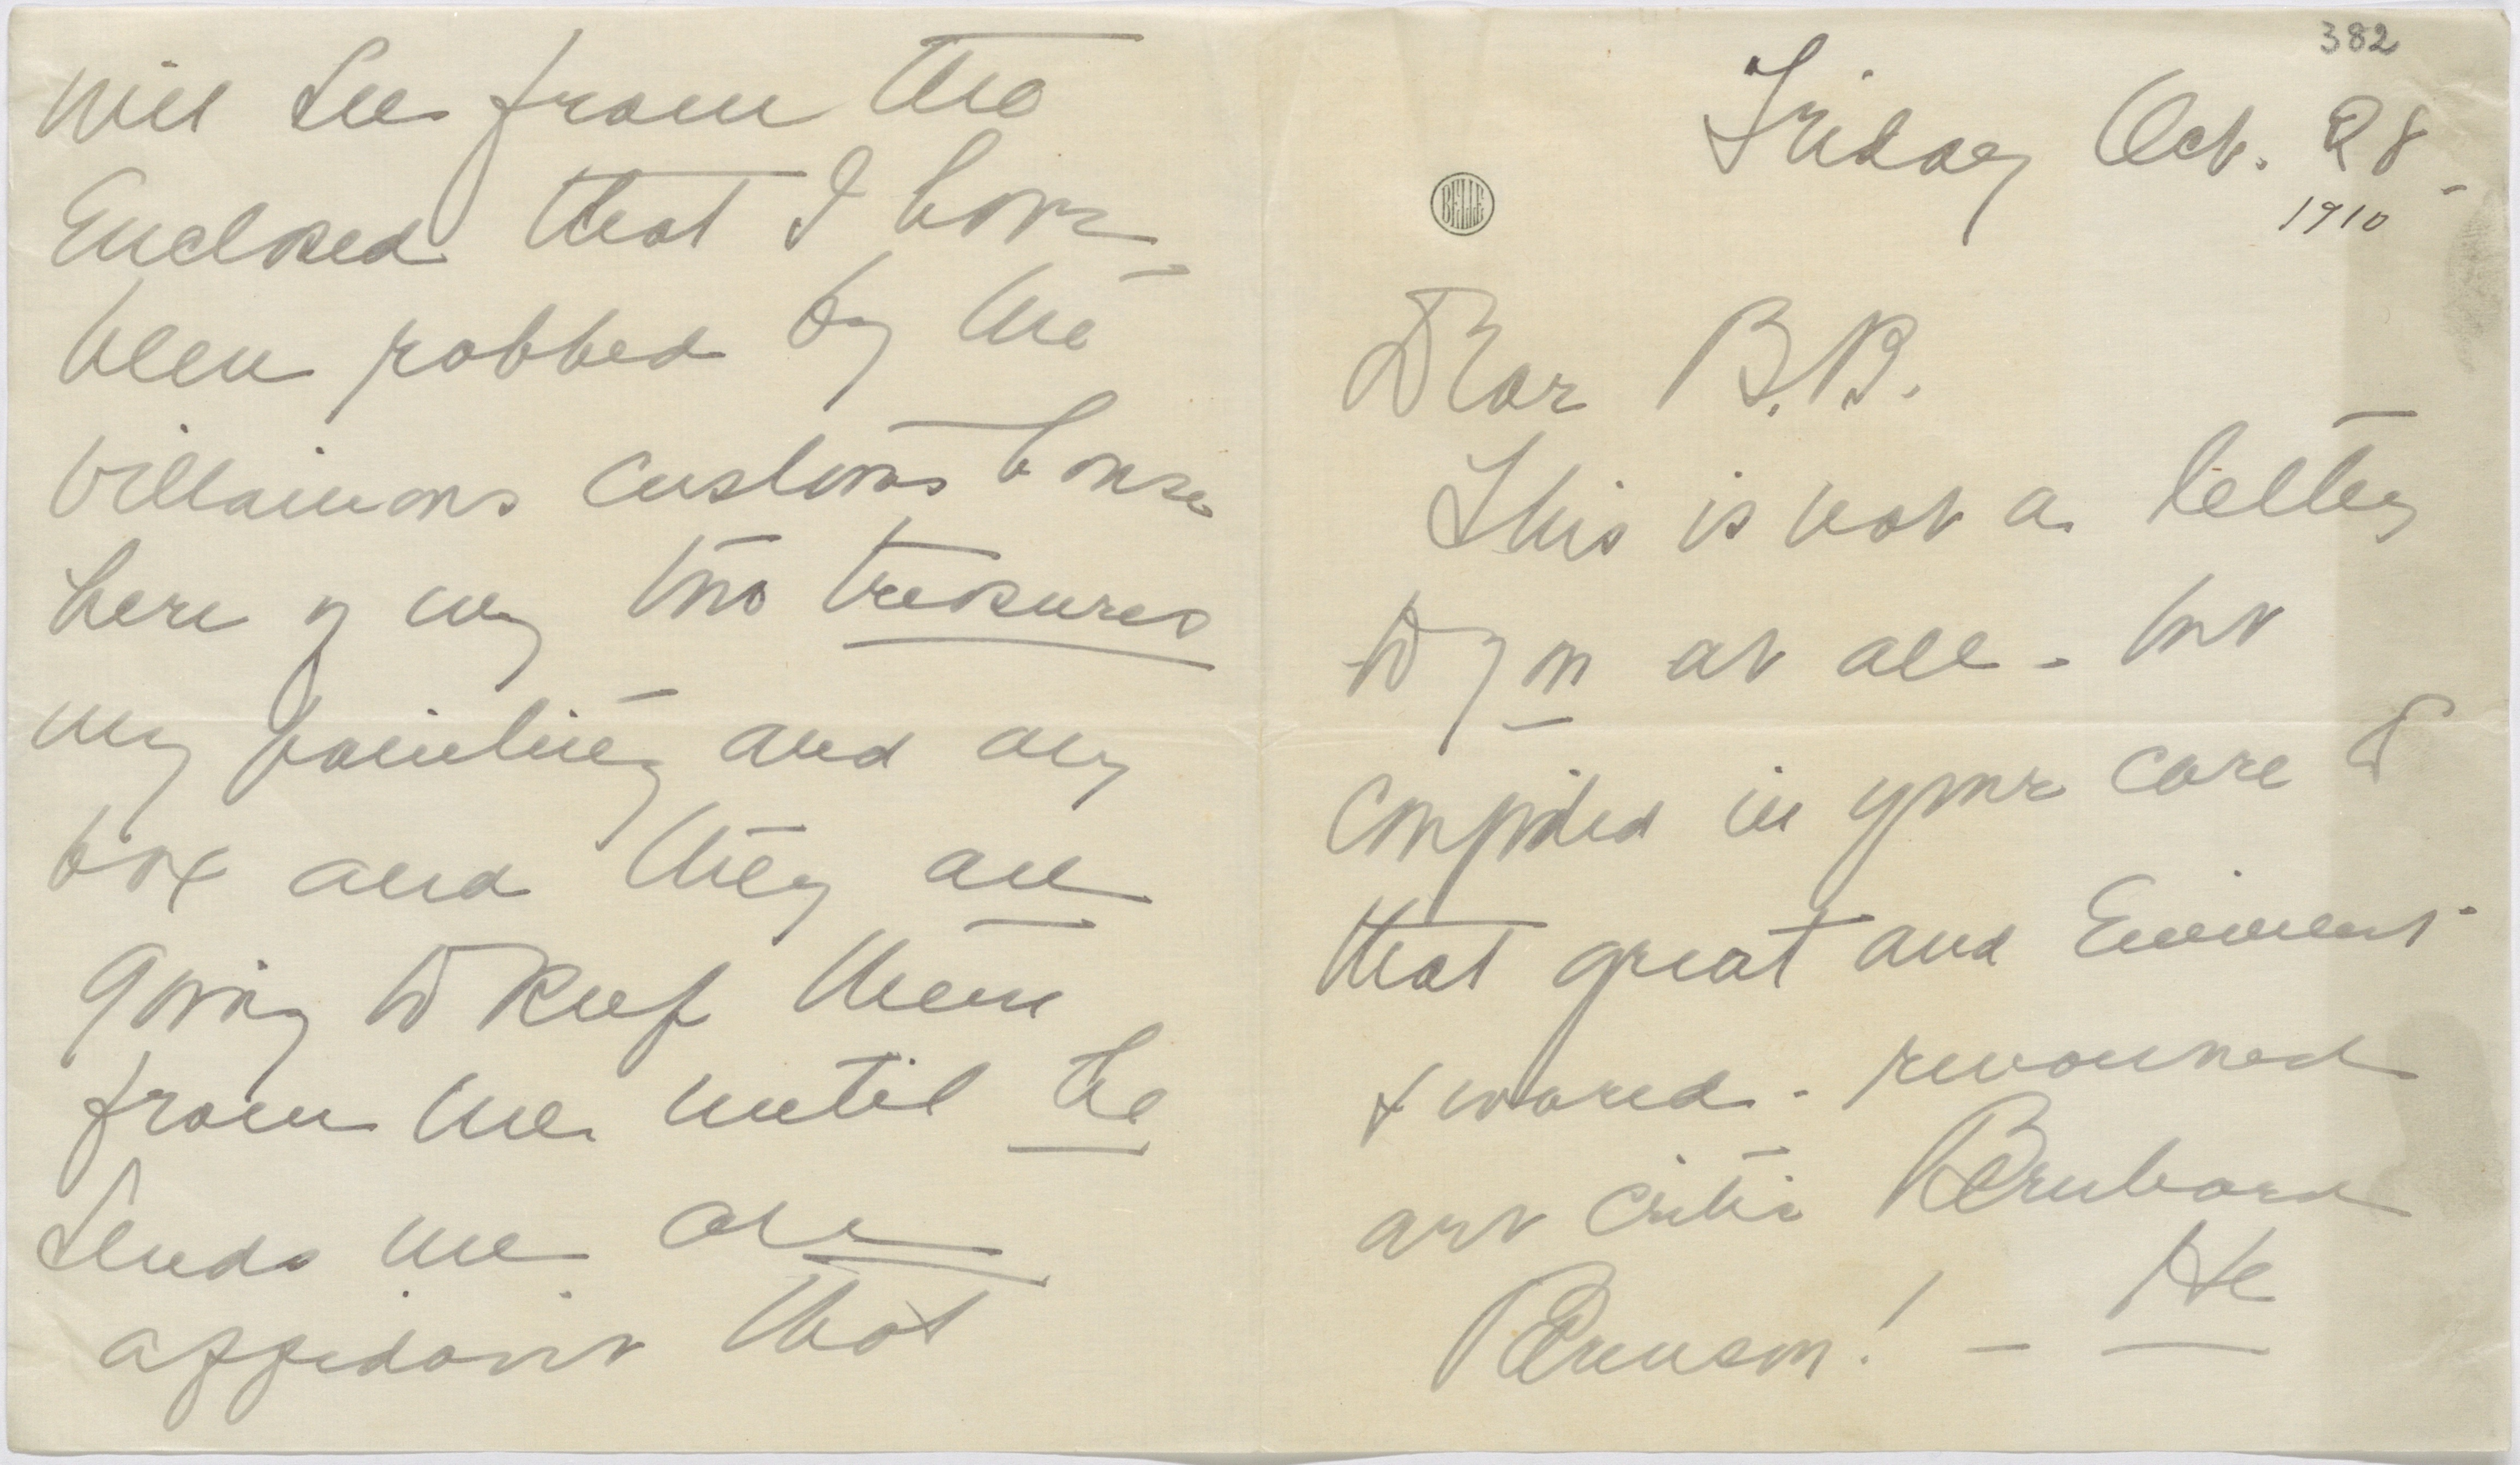Friday Oct. 28 –
Dear B.B.
This is not a letter to you at all – but confided in your care to that great and eminent & world-renouned [sic] art critic Bernhard Berenson! – He
will see from the enclosed that I have been robbed by the villainous customs house here of my two treasures my painting and my box and they are going to keep them from me until he sends me an affidavit that